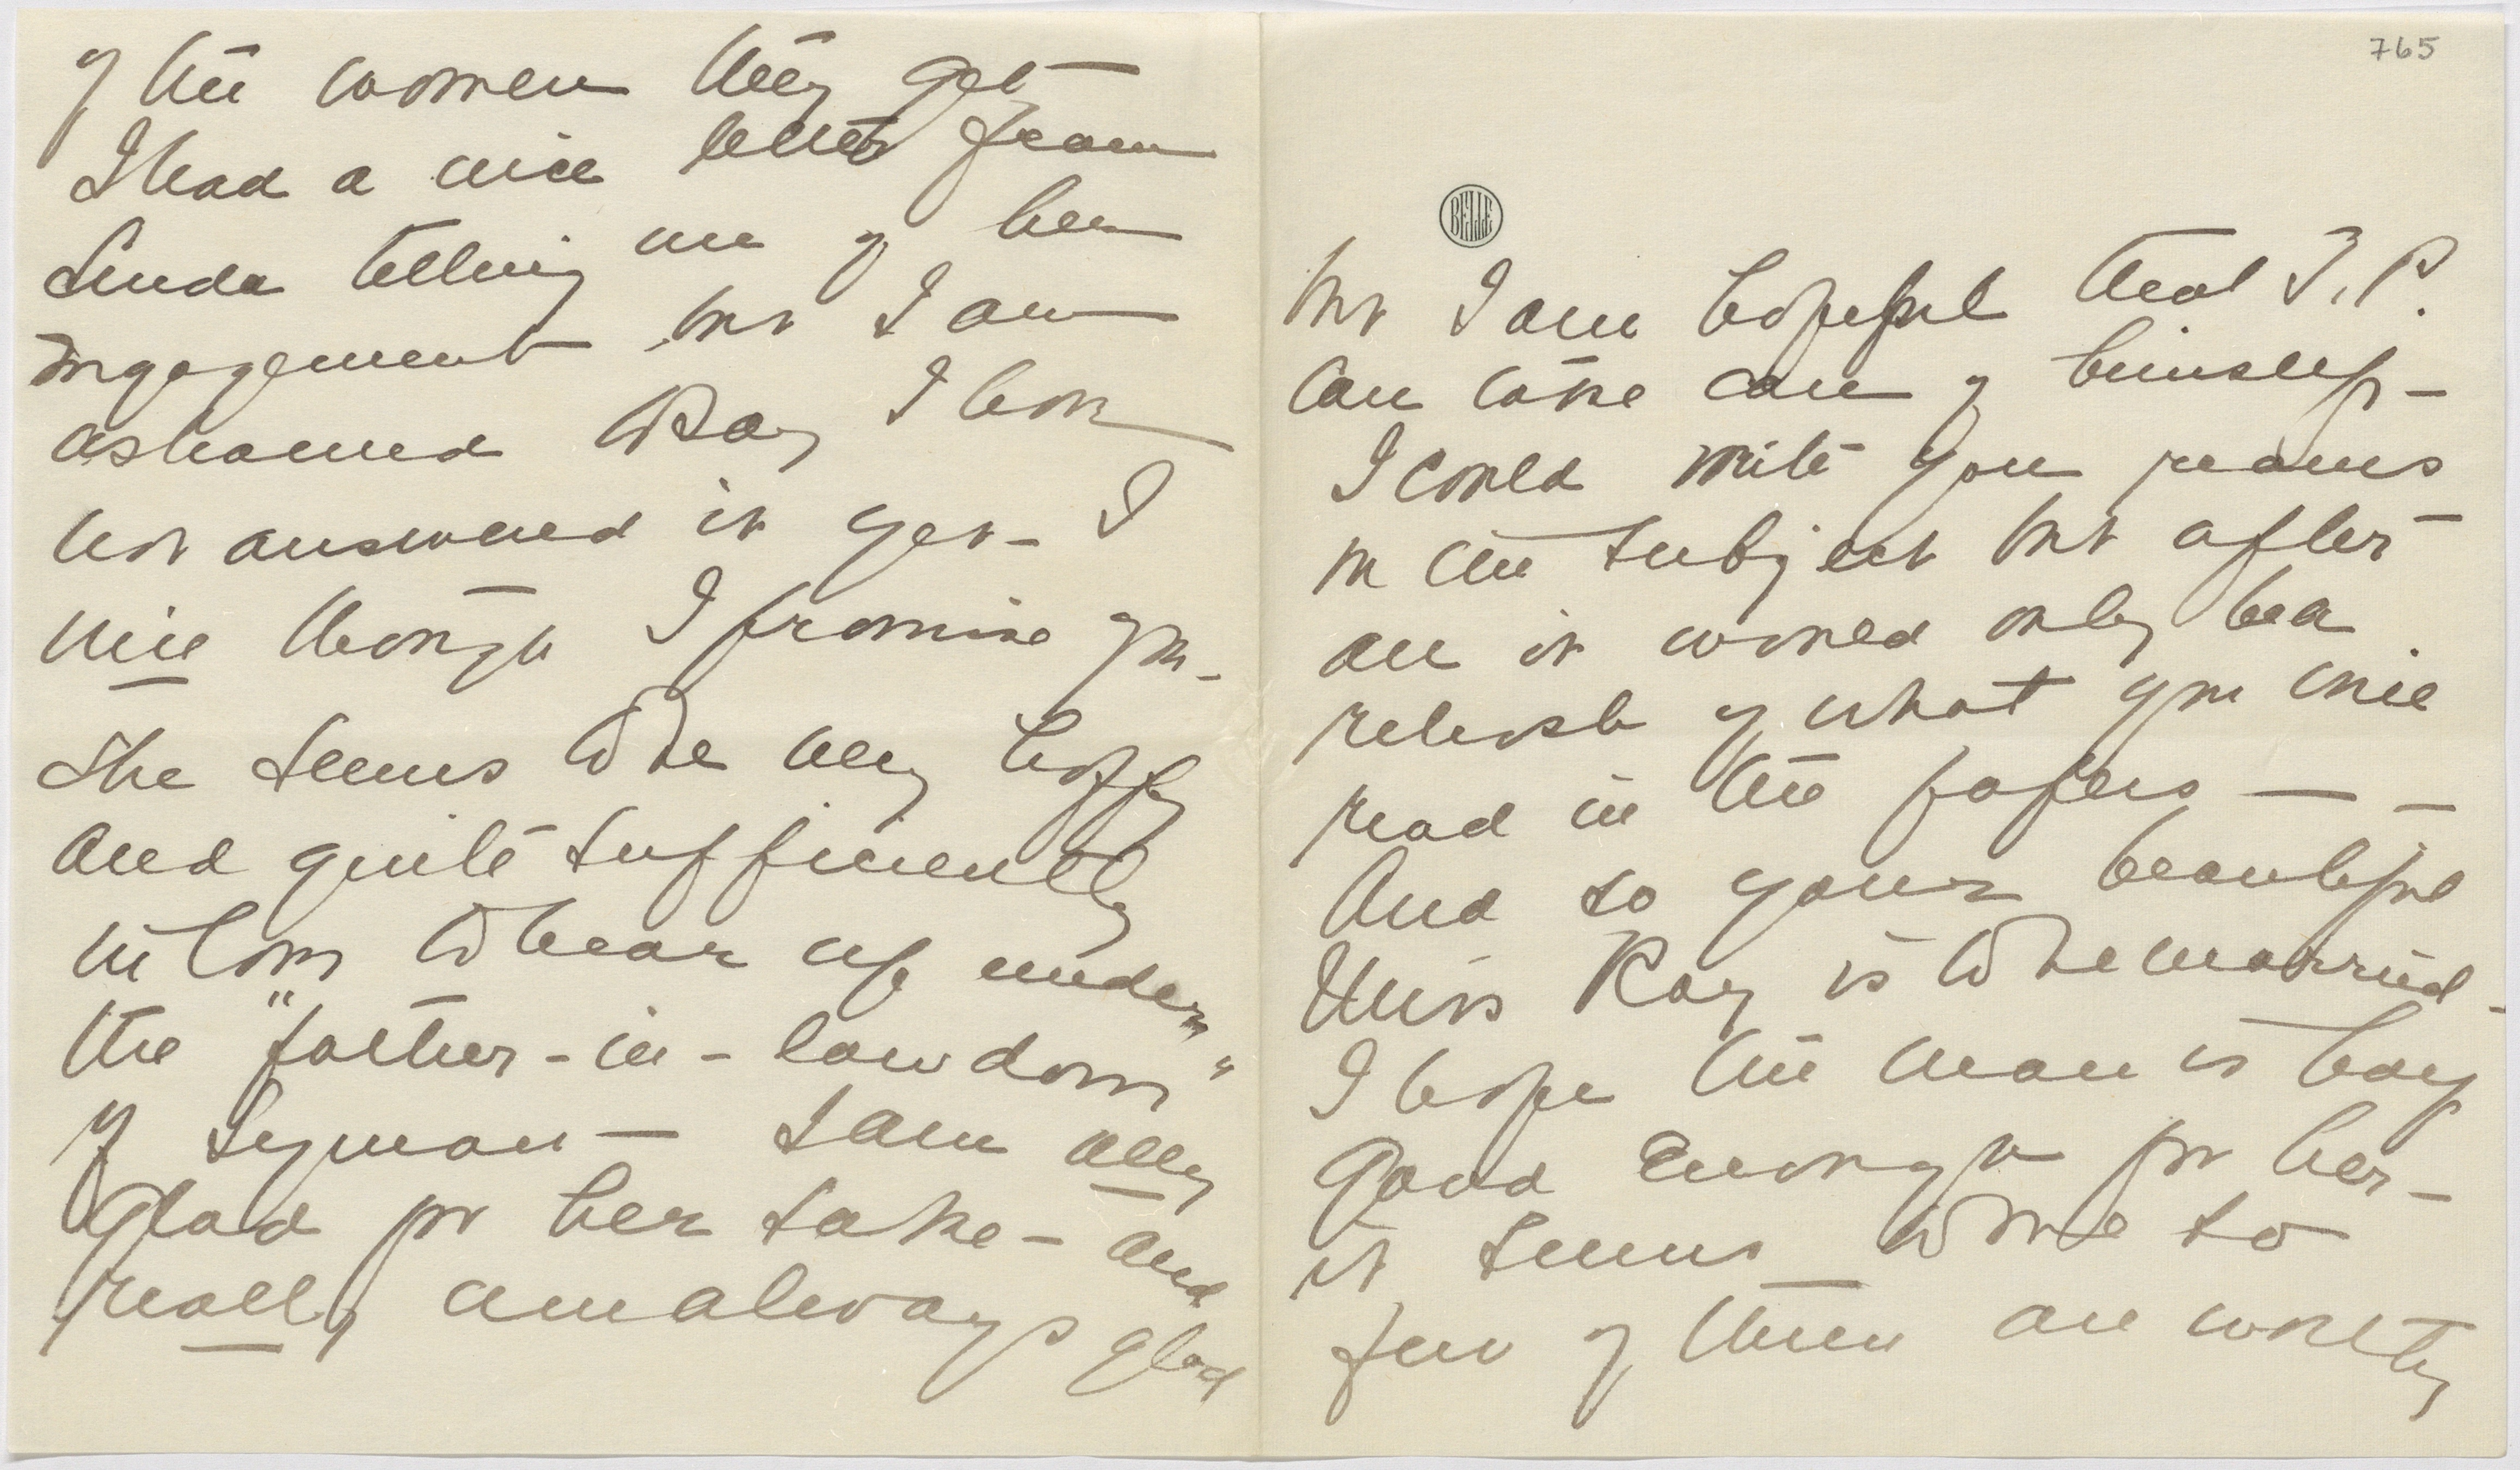but I am hopeful that J. P. can take care of himself – I could write you reams on the subject but after all it would only be a rehash of what you will read in the papers – –
And so your beautiful Miss Ray is to be married – I hope the man is half good enough for her – it seems to me so few of them are worthy
of the women they get
I had a nice letter from Senda telling me of her engagement but I am ashamed to say I have not answered it yet – I will though I promise you – She seems to be very happy and quite sufficiently in love to bear up under the “father-in lawdom” of Lyman – I am very glad for her sake – and really am always glad